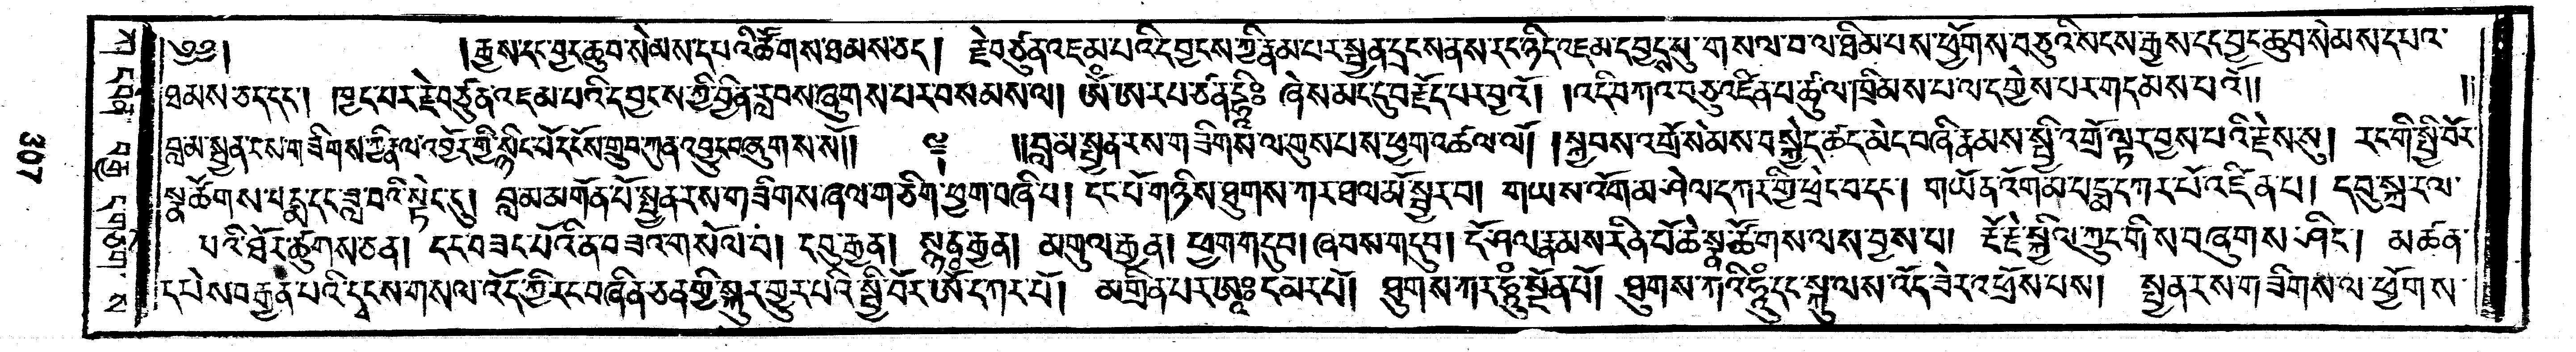༄༅། །རྒྱས་དང་བྱང་ཆུབ་སེམས་དཔའི་ཚོགས་ཐམས་ཅད། རྗེ་བཙུན་འཇམ་པའི་དབྱངས་ཀྱི་རྣམ་པར་སྦྱན་དྲངས་ནས་རང་ཉིད་འཇམ་དབྱངས་སུ་གསལ་བ་ལ་ཐིམ་པས་ཕྱོགས་བཅུའི་སངས་རྒྱས་དང་བྱང་ཆུབ་སེམས་དཔའ་
ཐམས་ཅད་དང་། ཁྱད་པར་རྗེ་བཙུན་འཇམ་པའི་དབྱངས་ཀྱི་བྱིན་རླབས་ཞུགས་པར་བསམས་ལ། ཨོཾ་ཨ་ར་པ་ཙ་ན་དྷཱིཿ ཞེས་མང་དུ་བརྗོད་པར་བྱའོ། །འདི་བཀའ་བཅུ་འཛིན་པ་ཚུལ་ཁྲིམས་པ་ལ་དགྱེས་པར་གདམས་པའོ།། །།
བླ་མ་སྤྱན་རས་གཟིགས་ཀྱི་རྣལ་འབྱོར་གྱི་སྙིང་པོ་དངོས་གྲུབ་ཀུན་འབྱུང་བཞུགས་སོ།། ༈ །།བླ་མ་སྤྱན་རས་གཟིགས་ལ་གུས་པས་ཕྱག་འཚལ་ལོ། །སྐྱབས་འགྲོ་སེམས་བསྐྱེད་ཚད་མེད་བཞི་རྣམས་སྤྱི་འགྲོ་ལྟར་བྱས་པའི་རྗེས་སུ། རང་གི་སྤྱི་བོར་
སྣ་ཚོགས་པདམ་དང་ཟླ་བའི་སྟེང་དུ། བླ་མ་མགོན་པོ་སྤྱན་རས་གཟིགས་ཞལ་གཅིག་ཕྱག་བཞི་པ། དང་པོ་གཉིས་ཐུགས་ཀར་ཐལ་མོ་སྦྱར་བ། གཡས་འོག་མ་ཤེལ་དཀར་གྱི་ཕྲེང་བ་དང་། གཡོན་འོག་མ་པདམ་དཀར་པོ་འཛིན་པ། དབུ་སྐྲ་རལ་
པའི་ཐོར་ཚུགས་ཅན། དང་བཟང་པོའི་ན་བཟའ་གསོལ་བ། དབུ་རྒྱན། སྙན་རྒྱན། མགུལ་རྒྱན། ཕྱག་གདུབ། ཞབས་གདུབ། དོ་ཤལ་རྣམས་རིན་པོ་ཆེ་སྣ་ཚོགས་ལས་བྱས་པ། རྡོ་རྗེ་སྐྱིལ་ཀྲུང་གིས་བཞུགས་ཤིང་། མཚན་
དཔེས་བརྒྱན་པའི་དྭངས་གསལ་འོད་ཀྱི་རང་བཞིན་ཅན་གྱི་སྐུར་གྱུར་པའི་སྦྱི་བོར་ཨོཾ་དཀར་པོ། མགྲིན་པར་ཨཱཿ དམར་པོ། ཐུགས་ཀར་ཧཱུཾ་སྔོན་པོ། ཐུགས་ཀའི་ཧཱུཾ་དང་སྐུ་ལས་འོད་ཟེར་འཕྲོས་པས། སྤྱན་རས་གཟིགས་ལ་ཕྱོགས་